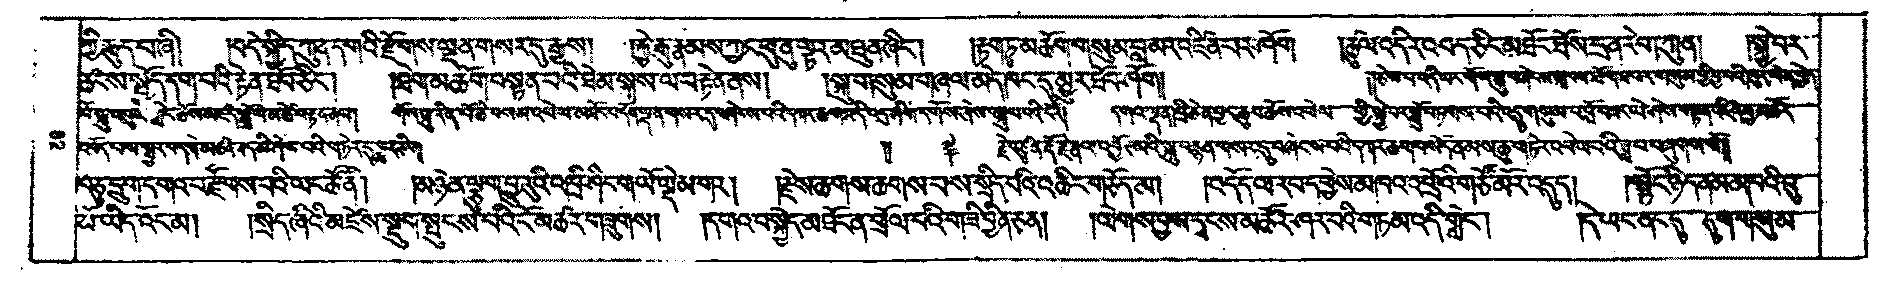ཀྱི་རྒུད་པ་ཞི། །བདེ་སྐྱིད་ཀུན་དགའི་རྫོགས་ལྡན་གསར་དུ་རྒྱས། །རྐྱེ་རྒུ་རྣམས་ཀྱང་ཕུ་ནུ་ལྟར་མཐུན་ཞིང་། །རྟག་ཏུ་མཆོག་གསུམ་བླ་མར་འཛིན་པར་ཤོག །ཚུལ་འདིར་འབད་ཅིང་མཐོང་ཐོས་དྲན་རེག་ཀུན། །སྐྱེ་བར་
ཚངས་སྤྱོད་དག་པའི་རྟེན་ཐོབ་ཅིང་། །ཐེག་མཆོག་བསྟན་པའི་ཐེམ་སྐས་ལ་བརྟེན་ནས། །སྐུ་གསུམ་གཞལ་མེད་ཁང་དུ་མྱུར་ཐོབ་ཤོག ། །།ཅེས་པ་འདི་ཡང་གོས་སྐུ་བཞེངས་སྐབས་ཐོག་ཐ་བར་གསུམ་གྱི་བྱ་བའི་ཁུར་ལེན་བྱེད་
པོ་སྐུ་འབུམ་གླིང་ཆོས་མཛད་སྒྲོལ་མ་ཚེ་བརྟན་ནས། གོས་སྐུ་རིན་པོ་ཆེ་བསམ་འཕེལ་མཐོང་བ་དོན་ལྡན་གསར་དུ་བཞེངས་པའི་དཀར་ཆག་འདི་འདྲ་ཞིག་དགོས་ཞེས་བསྐུལ་བའི་ངོར། དགའ་ལྡན་ཁྲི་ཆེན་བྱང་ཆུབ་ཆོས་འཕེལ་གྱི་སྐྱེ་བར་སྒྲོ་བཏགས་པའི་འདུ་གསུམ་པ་བློ་བཟང་ཡེ་ཤེས་བསྟན་འཛིན་རྒྱ་མཚོར་
འབོད་པས་སྦྱར་བ་དགེ་མཚན་ཟད་མི་ཤེས་པའི་གཏེར་དུ་གྱུར་ཅིག། །། ༈ རྗེ་བཙུན་རྡོ་རྗེ་རྣལ་འབྱོར་མའི་སྐུ་བརྙན་གསར་དུ་བཞེངས་པའི་དཀར་ཆག་བསོད་ནམས་ཆུ་གཏེར་འཕེལ་བའི་ཟླ་བ་བཞུགས་སོ།།
བཅུ་དྲུག་དགའ་བ་རྫོགས་པའི་ལང་ཚོ་ནི། །མཉེན་ལྕུག་བྱུ་རུའི་འཁྲི་ཤིང་གཡོ་ལྡེམ་གར། །རྗེས་ཆགས་ཆགས་པས་སྲིད་པའི་འཆིང་གཅོད་མ། །འདོད་ལ་རབ་དགྱེས་མཁའ་འགྲོའི་གཙོ་མོར་འདུད། །སྟོང་ཉིད་ནམ་མཁའི་བུ་
མོ་ཡིད་འོང་མ། །སྲིད་ཞིའི་མཛེས་སྡུག་སྤུངས་པའི་ངོ་མཚར་གཟུགས། །དགའ་བསྐྱེད་མཐོང་ན་གྲོལ་བའི་གཟི་བྱིན་ཅན། །ལེགས་བྱས་དྭངས་མཚོར་ཤར་བའི་གཏམ་འདི་གླེང་། །དེ་ཡང་ནང་དུ་དུག་གསུམ་